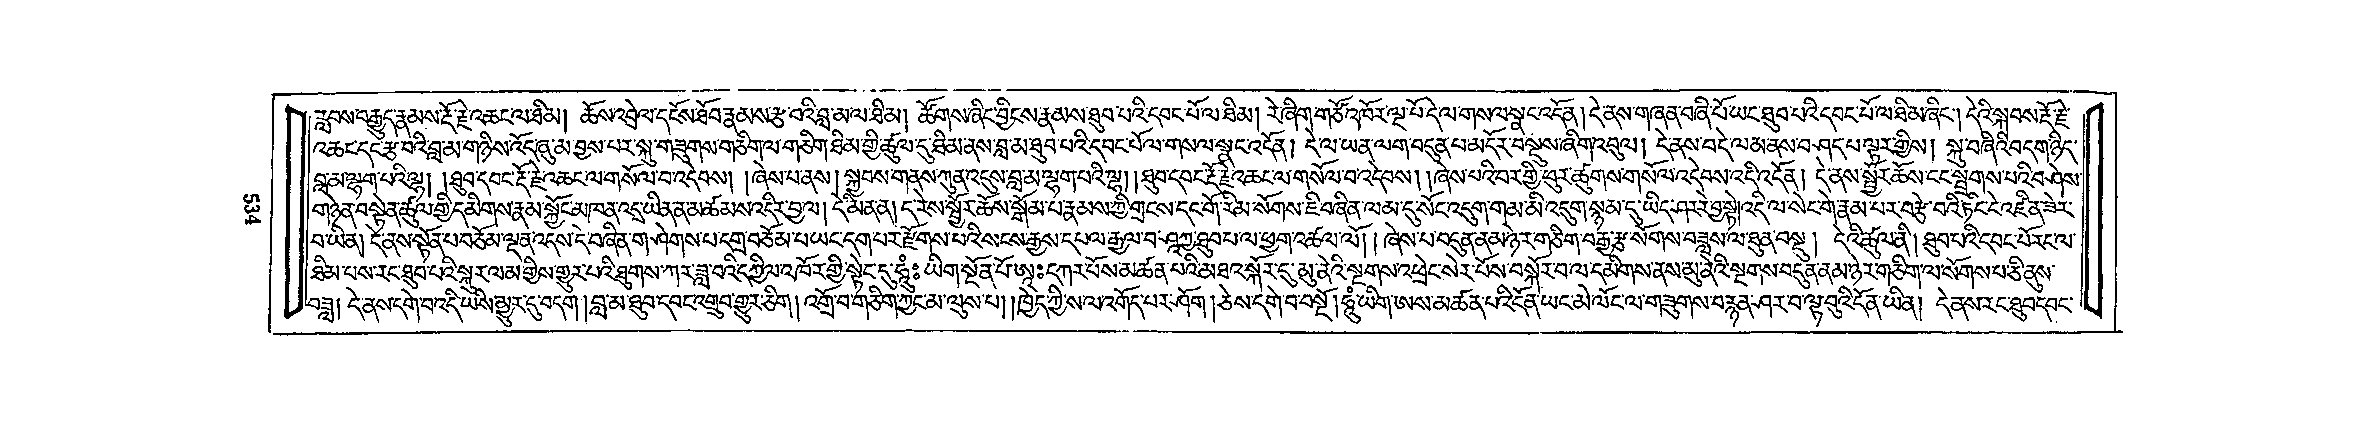རླབས་བརྒྱུད་རྣམས་རྡོ་རྗེ་འཆང་ལ་ཐིམ། ཆོས་འབྲེལ་དངོས་ཐོབ་རྣམས་རྩ་བའི་བླ་མ་ལ་ཐིམ། ཚོགས་ཞིང་བྱིངས་རྣམས་ཐུབ་པའི་དབང་པོ་ལ་ཐིམ། རེ་ཞིག་གཙོ་འཁོར་ལྔ་པོ་དེ་ལ་གསལ་སྣང་འདོན། དེ་ནས་གཞན་བཞི་པོ་ཡང་ཐུབ་པའི་དབང་པོ་ལ་ཐིམ་ཞིང་། དེའི་སྐབས་རྡོ་རྗེ་
འཆང་དང་རྩ་བའི་བླ་མ་གཉིས་འོད་ཞུ་མ་བྱས་པར་སྐུ་གཟུགས་གཅིག་ལ་གཅིག་ཐིམ་གྱི་ཚུལ་དུ་ཐིམ་ནས་བླ་མ་ཐུབ་པའི་དབང་པོ་ལ་གསལ་སྣང་འདོན། དེ་ལ་ཡན་ལག་བདུན་པ་མདོར་བསྡུས་ཞིག་འབུལ། དེ་ནས་བདེ་ལམ་ནས་བཤད་པ་ལྟར་གྱིས། སྐུ་བཞིའི་བདག་ཉིད་
བླ་མ་ལྷག་པའི་ལྷ། །ཐུབ་དབང་རྡོ་རྗེ་འཆང་ལ་གསོལ་བ་འདེབས། །ཞེས་པ་ནས། སྐྱབས་གནས་ཀུན་འདུས་བླ་མ་ལྷག་པའི་ལྷ། །ཐུབ་དབང་རྡོ་རྗེ་འཆང་ལ་གསོལ་བ་འདེབས། །ཞེས་པའི་བར་གྱི་ཕུར་ཚུགས་གསོལ་འདེབས་འདི་འདོན། དེ་ནས་སྦྱོར་ཆོས་ངང་སྦྲགས་པའི་བཤེས་
གཉེན་བསྟེན་ཚུལ་གྱི་དམིགས་རྣམ་སྐྱོང་མཁན་འདྲ་ཡིན་ན་མཚམས་འདིར་བྱ་ལ། དེ་མིན་ན། ད་རེས་སྦྱོར་ཆོས་སྒོམ་པ་རྣམས་ཀྱི་གྲངས་དང་གོ་རིམ་སོགས་ཇི་བཞིན་ལམ་དུ་སོང་འདུག་གམ་མི་འདུག་སྙམ་དུ་ཡིད་ཤར་རེ་བྱ་སྟེ། འདི་ལ་སེང་གེ་རྣམ་པར་བརྩེ་བའི་ཏིང་ངེ་འཛིན་ཟེར་
བ་ཡིན། དེ་ནས་སྟོན་པ་བཅོམ་ལྡན་འདས་དེ་བཞིན་གཤེགས་པ་དགྲ་བཅོམ་པ་ཡང་དག་པར་རྫོགས་པའི་སངས་རྒྱས་དཔལ་རྒྱལ་བ་ཤཱཀྱ་ཐུབ་པ་ལ་ཕྱག་འཚལ་ལོ། །ཞེས་པ་བདུན་ནམ་ཉེར་གཅིག་བརྒྱ་རྩ་སོགས་བཟླས་ལ་ཐུན་བསྡུ། དེའི་ཚུལ་ནི། ཐུབ་པའི་དབང་པོ་རང་ལ་
ཐིམ་པས་རང་ཐུབ་པའི་སྐུར་ལམ་གྱིས་གྱུར་པའི་ཐུགས་ཀར་ཟླ་བའི་དཀྱིལ་འཁོར་གྱི་སྟེང་དུ་ཧཱུཾཿ ཡིག་སྔོན་པོ་ཨཱཿ དཀར་པོས་མཚན་པའི་མཐའ་སྐོར་དུ་མུ་ནེའི་སྔགས་འཕྲེང་སེར་པོས་བསྐོར་བ་ལ་དམིགས་ནས་མུ་ནེའི་སྔགས་བདུན་ནམ་ཉེར་གཅིག་ལ་སོགས་པ་ཅི་ནུས་
བཟླ། དེ་ནས་དགེ་བ་འདི་ཡིས་མྱུར་དུ་བདག །བླ་མ་ཐུབ་དབང་འགྲུབ་གྱུར་ཅིག །འགྲོ་བ་གཅིག་ཀྱང་མ་ལུས་པ། །ཁྱེད་ཀྱི་ས་ལ་འགོད་པར་ཤོག །ཅེས་དགེ་བ་བསྔོ། ཧཱུཾ་ཡིག་ཨས་མཚན་པའི་དོན་ཡང་མེ་ལོང་ལ་གཟུགས་བརྙན་ཤར་བ་ལྟ་བུའི་དོན་ཡིན། དེ་ནས་རང་ཐུབ་དབང་